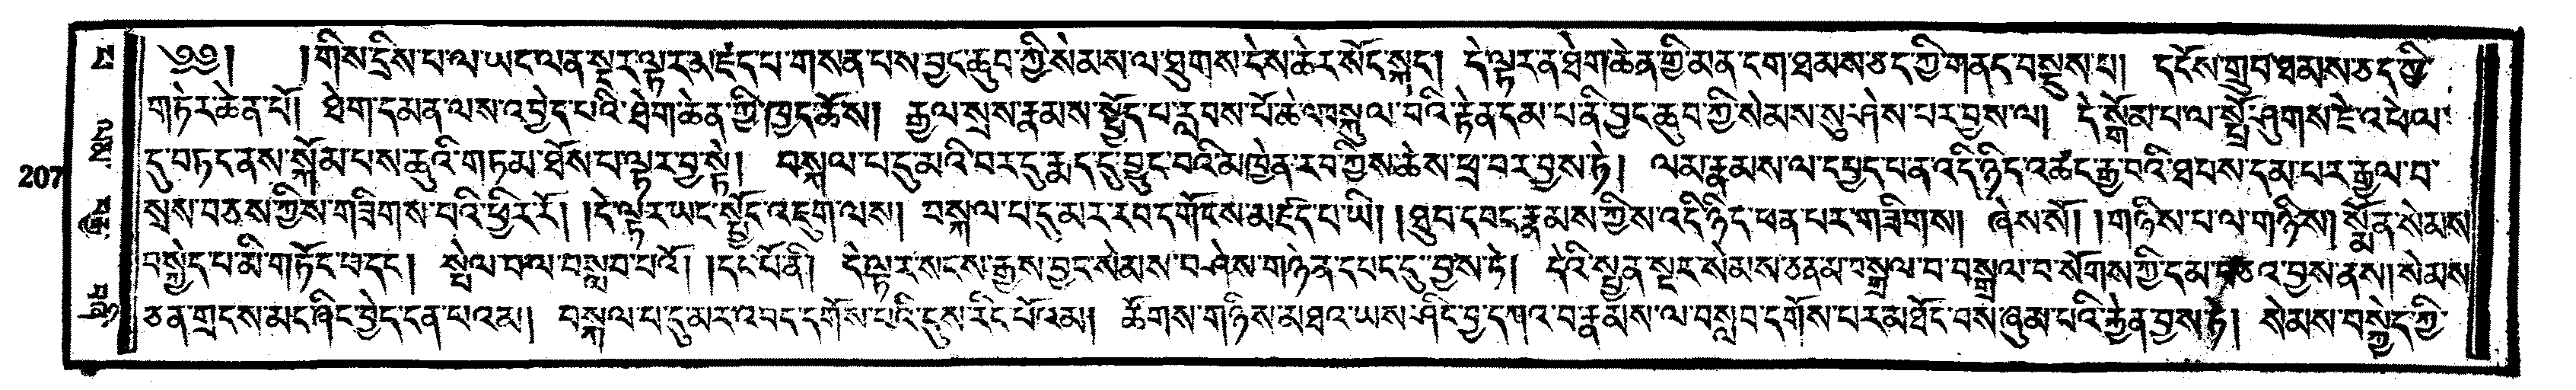༄༅། །གིས་དྲིས་པ་ལ་ཡང་ལན་སྔར་ལྟར་མཛད་པ་གསན་པས་བྱང་ཆུབ་ཀྱི་སེམས་ལ་ཐུགས་དེས་ཆེར་སོང་སྐད། དེ་ལྟར་ན་ཐེག་ཆེན་གྱི་མན་ངག་ཐམས་ཅད་ཀྱི་གནད་བསྡུས་པ། དངོས་གྲུབ་ཐམས་ཅད་ཀྱི་
གཏེར་ཆེན་པོ། ཐེག་དམན་ལས་འབྱེད་པའི་ཐེག་ཆེན་གྱི་ཁྱད་ཆོས། རྒྱལ་སྲས་རྣམས་སྤྱོད་པ་རླབས་པོ་ཆེ་ལ་བསྐུལ་བའི་རྟེན་དམ་པ་ནི་བྱང་ཆུབ་ཀྱི་སེམས་སུ་ཤེས་པར་བྱས་ལ། དེ་སྒོམ་པ་ལ་སྤྲོ་ཤུགས་ཇེ་འཕེལ་
དུ་བཏང་ནས་སྐོམ་པས་ཆུའི་གཏམ་ཐོས་པ་ལྟར་བྱ་སྟེ། བསྐལ་བ་དུ་མའི་བར་དུ་རྨད་དུ་བྱུང་བའི་མཁྱེན་རབ་ཀྱིས་ཆེས་ཕྲ་བར་བྱས་ཏེ། ལམ་རྣམས་ལ་དཔྱད་པ་ན་འདི་ཉིད་འཚང་རྒྱ་བའི་ཐབས་དམ་པར་རྒྱལ་བ་
སྲས་བཅས་ཀྱིས་གཟིགས་པའི་ཕྱིར་རོ། །དེ་ལྟར་ཡང་སྤྱོད་འཇུག་ལས། བསྐལ་པ་དུ་མར་རབ་དགོངས་མཛད་པ་ཡི། །ཐུབ་དབང་རྣམས་ཀྱིས་འདི་ཉིད་ཕན་པར་གཟིགས། ཞེས་སོ། །གཉིས་པ་ལ་གཉིས། སྨོན་སེམས་
བསྐྱེད་པ་མི་གཏོང་པ་དང་། སྤེལ་བ་ལ་བསླབ་པའོ། །དང་པོ་ནི། དེ་ལྟར་སངས་རྒྱས་བྱང་སེམས་བཤེས་གཉེན་དཔང་དུ་བྱས་ཏེ། དེའི་སྤྱན་སྔར་སེམས་ཅན་མ་བསྒྲལ་བ་བསྒྲལ་བ་སོགས་ཀྱི་དམ་བཅའ་བྱས་ནས། སེམས་
ཅན་གྲངས་མང་ཞིང་བྱེད་ངན་པའམ། བསྐལ་པ་དུ་མར་འབད་དགོས་པའི་དུས་རིང་པོའམ། ཚོགས་གཉིས་མཐའ་ཡས་ཤིང་བྱ་དཀའ་བ་རྣམས་ལ་བསླབ་དགོས་པར་མཐོང་བས་ཞུམ་པའི་རྐྱེན་བྱས་ཏེ། སེམས་བསྐྱེད་ཀྱི་